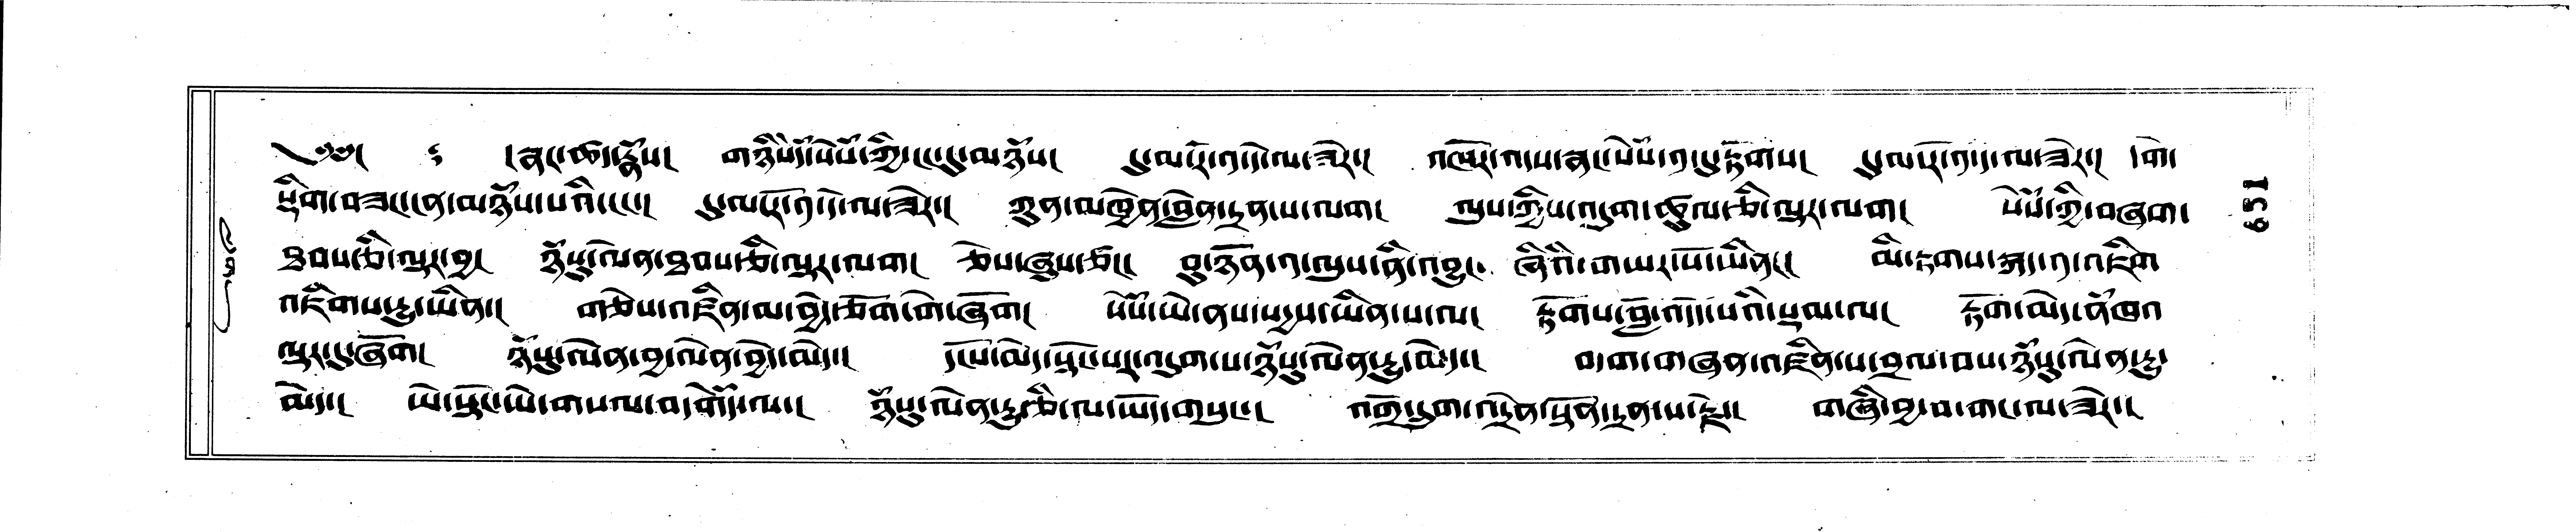ནི། སྣང་ཚད་གྲག་ཚད་འཆར་ཚད་རྣམས། གཉིས་མེད་སེམས་ཀྱིང་ངང་དུ་མཉམ། དུ་མ་རོ་གཅིག་དེ་ལ་ཟེར། འཁོར་འདས་སྣང་སེམས་གཅིག་ཏུ་རྟོག དུ་མ་རོ་གཅིག་དེ་ལ་ཟེར། དགེ་
སྡིག་བཟང་ངན་མཉམ་པའི་ངང་། དུ་མ་རོ་གཅིག་དེ་ལ་ཟེར། ཀུན་མཁྱེན་བླ་ཆེན་དྲན་པ་ལགས། ལུས་ཀྱི་འདུག་ཚུར་ཅི་ལྟར་བྱ། སེམས་ཀྱི་བཞག་
ཐབས་ཅི་ལྟར་བྱ། ཉམས་སུ་ལེན་ཐབས་ཅི་ལྟར་བྱ། ཞེས་ཞུས་ཙ། བུ་ཉོན་གཅིག་ལུས་ནི་འབྱུང་ བཞིའི་གཡར་པོ་འདུག མི་རྟག་སྐད་གཅིག་འཇིག་
རྒྱུ་ཡིན། གཅེས་འཛིན་མ་བྱེད་ཅོག་གེ་ཞོག སེམས་ཉིད་ཡེ་ནས་སངས་རྒྱས་ཡིན། རྟོག་བློ་འཛིན་པས་མ་སྡོམ་ལ། རྟོག་མེད་ནམ་མཁའ་
ལྟར་དུ་ཞོག ཉམས་སུ་ལེན་བྱ་ལེན་བྱེད་མེད། རྔོས་༼དངོས༽མེད་སྟོང་པར་འདུག་པས་ཉམས་སུ་ལེན་རྒྱུ་མེད། བདག་བཞན་འཛིན་པ་བྲལ་བས་ཉམས་སུ་ལེན་རྒྱུ་
མེད། ཡེ་སྟོང་ཡེ་གསལ་བདག་མེད་ལ། ཉམས་སུ་ལེན་རྒྱུ་ཅི་ལ་ཡོད་གསུངས། འགྲོ་དྲུག་འདྲེན་སྟོན་དྲན་པ་རྗེ། གཞི་བྱ་བ་གང་ལ་ཟེར།